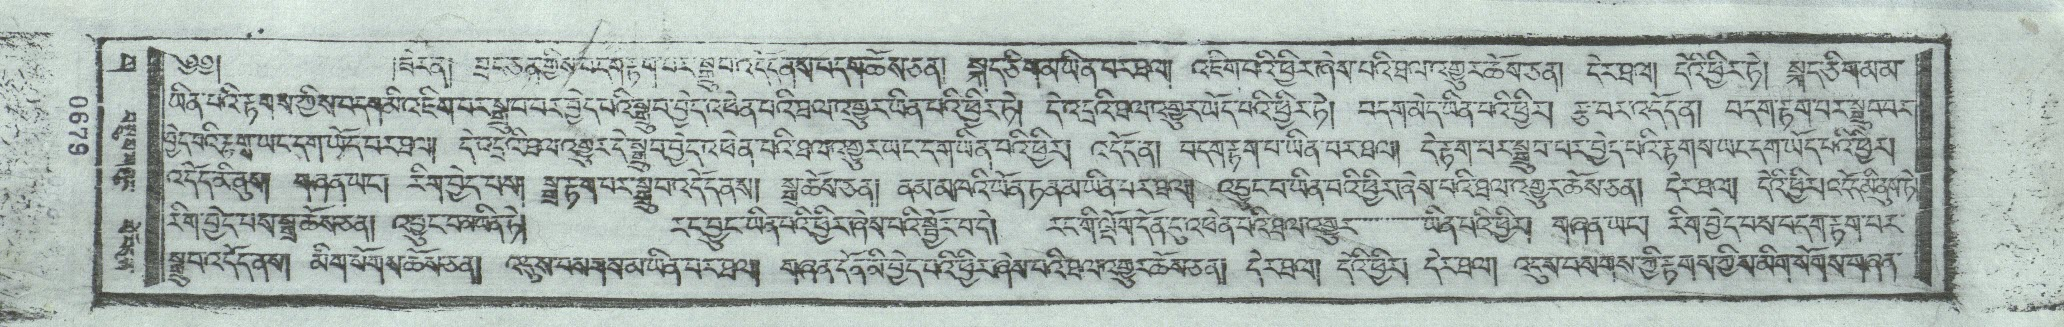༄༅། །ཟེར་ན། གྲང་ཅན་གྱིས་བདག་རྟག་པར་སྒྲུབ་འདོད་ནས་བདག་ཆོས་ཅན། སྐད་ཅིག་མ་ཡིན་པར་ཐལ། འཇིག་པའི་ཕྱིར་ཞེས་པའི་ཐལ་འགྱུར་ཆོས་ཅན། དེར་ཐལ། དེའི་ཕྱིར་ཏེ། སྐད་ཅིག་མ་མ་
ཡིན་པའི་རྟགས་ཀྱིས་བདག་མི་འཇིག་པར་སྒྲུབ་པར་བྱེད་པའི་སྒྲུབ་བྱེད་འཕེན་པའི་ཐལ་འགྱུར་ཡིན་པའི་ཕྱིར་ཏེ། དེ་འདྲའི་ཐལ་འགྱུར་ཡོད་པའི་ཕྱིར་ཏེ། བདག་མེད་ཡིན་པའི་ཕྱིར། རྩ་བར་འདོད་ན། བདག་རྟག་པར་སྒྲུབ་པར་
བྱེད་པའི་རྟགས་ཡང་དག་ཡོད་པར་ཐལ། དེ་འདྲའི་ཐལ་འགྱུར་དེ་སྒྲུབ་བྱེད་འཕེན་པའི་ཐལ་འགྱུར་ཡང་དག་ཡིན་པའི་ཕྱིར། འདོད་ན། བདག་རྟག་པ་ཡིན་པར་ཐལ། དེ་རྟག་པར་སྒྲུབ་པར་བྱེད་པའི་རྟགས་ཡང་དག་ཡོད་པའི་ཕྱིར།
འདོད་མི་ནུས། གཞན་ཡང་། རིག་བྱེད་པས། སྒྲ་རྟག་པར་སྒྲུབ་འདོད་ནས། སྒྲ་ཆོས་ཅན། ནམ་མཁའི་ཡོན་ཏན་མ་ཡིན་པར་ཐལ། འབྱུང་བ་ཡིན་པའི་ཕྱིར་ཞེས་པའི་ཐལ་འགྱུར་ཆོས་ཅན། དེར་ཐལ། དེའི་ཕྱིར། འདོད་མི་ནུས་ཏེ།
རིག་བྱེད་པས་སྒྲ་ཆོས་ཅན། འབྱུང་བ་མ་ཡིན་ཏེ། རང་བྱུང་ཡིན་པའི་ཕྱིར་ཞེས་པའི་སྦྱོར་བ་དེ། རང་གི་ལྡོག་དོན་དུ་འཕེན་པའི་ཐལ་འགྱུར་ཡིན་པའི་ཕྱིར། གཞན་ཡང་། རིག་བྱེད་བས་བདག་རྟག་པར་
སྒྲུབ་འདོད་ནས། མིག་སོགས་ཆོས་ཅན། འདུས་བསགས་མ་ཡིན་པར་ཐལ། གཞན་དོན་མི་བྱེད་པའི་ཕྱིར་ཞེས་པའི་ཐལ་འགྱུར་ཆོས་ཅན། དེར་ཐལ། དེའི་ཕྱིར། དེར་ཐལ། འདུས་བསགས་ཀྱི་རྟགས་ཀྱིས་མིག་སོགས་གཞན་